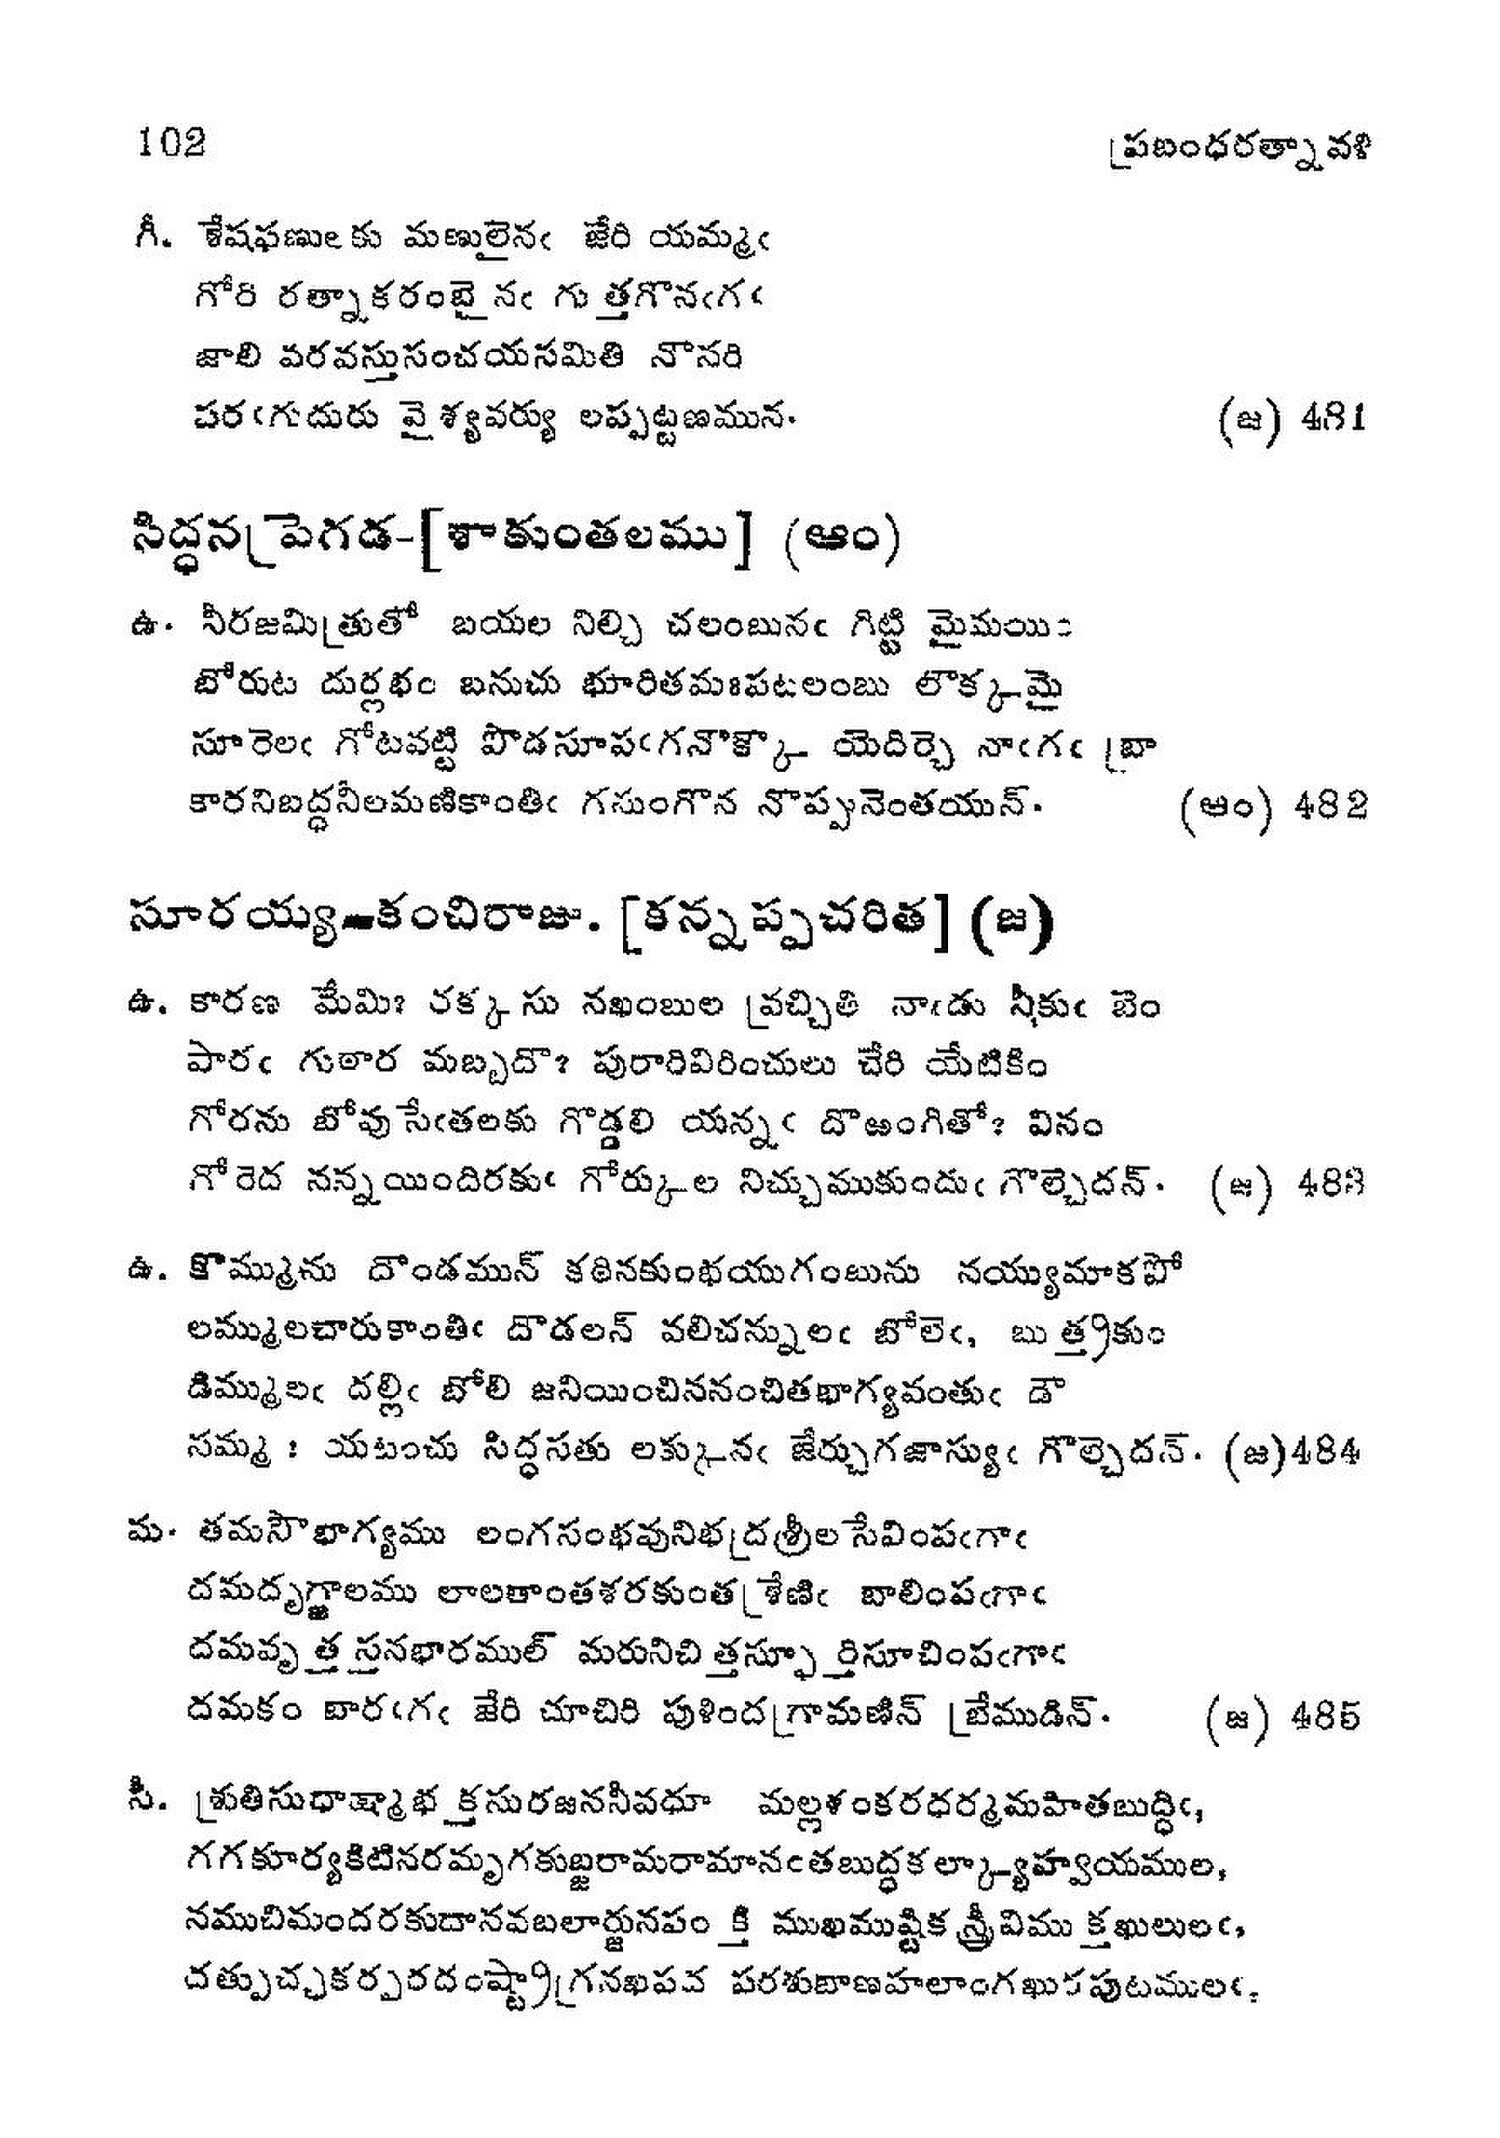తే. శేషఫణులకు మణులైనఁ జేరి యమ్మఁ
గోరి రత్నాకరంబైన గుత్తగొనఁగఁ
జాలి వరవస్తు సంచయ సమితి నొనరి
పరఁగుదురు వైశ్యవరు లప్పట్టణమున. (జ) 481

సిద్ధనప్రెగడ [శాకుంతలము] (ఆం)
ఉ. నీరజమిత్రుతో బయలనిల్చి చలంబునఁ గిట్టి మైమయిం
బోరుట దుర్లభంబనుచు భూరితమఃపటలంబు లొక్కమై
సూరెలఁ గోటవట్టి పొడసూపఁగ నొక్కొ యెదిర్చె నాఁగఁ బ్రా
కార నిబద్ధమణికాంతిఁ గనుంగొన నొప్పునెంతయున్. (ఆం) 482

సూరయ్య, కంచిరాజు [కన్నప్పచరిత] (జ)
ఉ. కారణ మేమి? రక్కసు నఖంబుల వ్రచ్చితి నాఁడు నీకుఁ బెం
పారఁ గుఠార మబ్బదొ? పురారివిరించులు చేరి యేటికిం
1గోరనఁ బోవుసేఁతలకు గొడ్డలి యన్నఁదొఱంగితో? వినం
గోరెద నన్న యిందిరకుఁ గోర్కులనిచ్చు ముకుందుఁ గొల్చెదన్. (జ) 483

ఉ. కొమ్మును దొండమున్ కఠినకుంభయుగంబును నయ్యుమా కపో
లమ్ముల చారుకాంతిఁ దొడలన్ వలిచన్నులఁ బోలెఁ, బుత్త్రకుం
డిమ్ములఁ దల్లిఁబోలి జనియించిన నంచితభాగ్యవంతుఁ డౌ
నమ్మ! యటంచు సిద్ధసతు లక్కునఁజేర్చు గజాస్యుఁ గొల్చెదన్. (జ) 484

మ. తమ సౌభాగ్యము లంగసంభవుని భద్రశ్రీల సేవింపఁగాఁ
దమ దృగ్జాలము లా లతాంతశరకుంతశ్రేణిఁ బాలింపఁగాఁ
దమ వృత్తస్తనభారముల్ మరునిచిత్తస్ఫూర్తి సూచింపఁగాఁ
దమకం బారఁగఁ జేరి చూచిరి పుళిందగ్రామణిన్ బ్రేముడిన్. (జ) 485

సీ. శ్రుతిసుధాక్ష్మాభక్తసురజననీవధూమల్లశంకరధర్మమహితబుద్ధిఁ
గగకూర్మకిటినరమృగకుబ్జరామరామానంత ద్ధకల్క్యాహ్వయముల
నముచిమందరకుదానవబలార్జునపంక్తి ముఖముష్టికస్త్రీవిముక్తఖలులఁ
దత్పుచ్ఛకర్పరదంష్ట్రాగ్రనఖపదపరశుబాణహలాంగఖురపుటములఁ